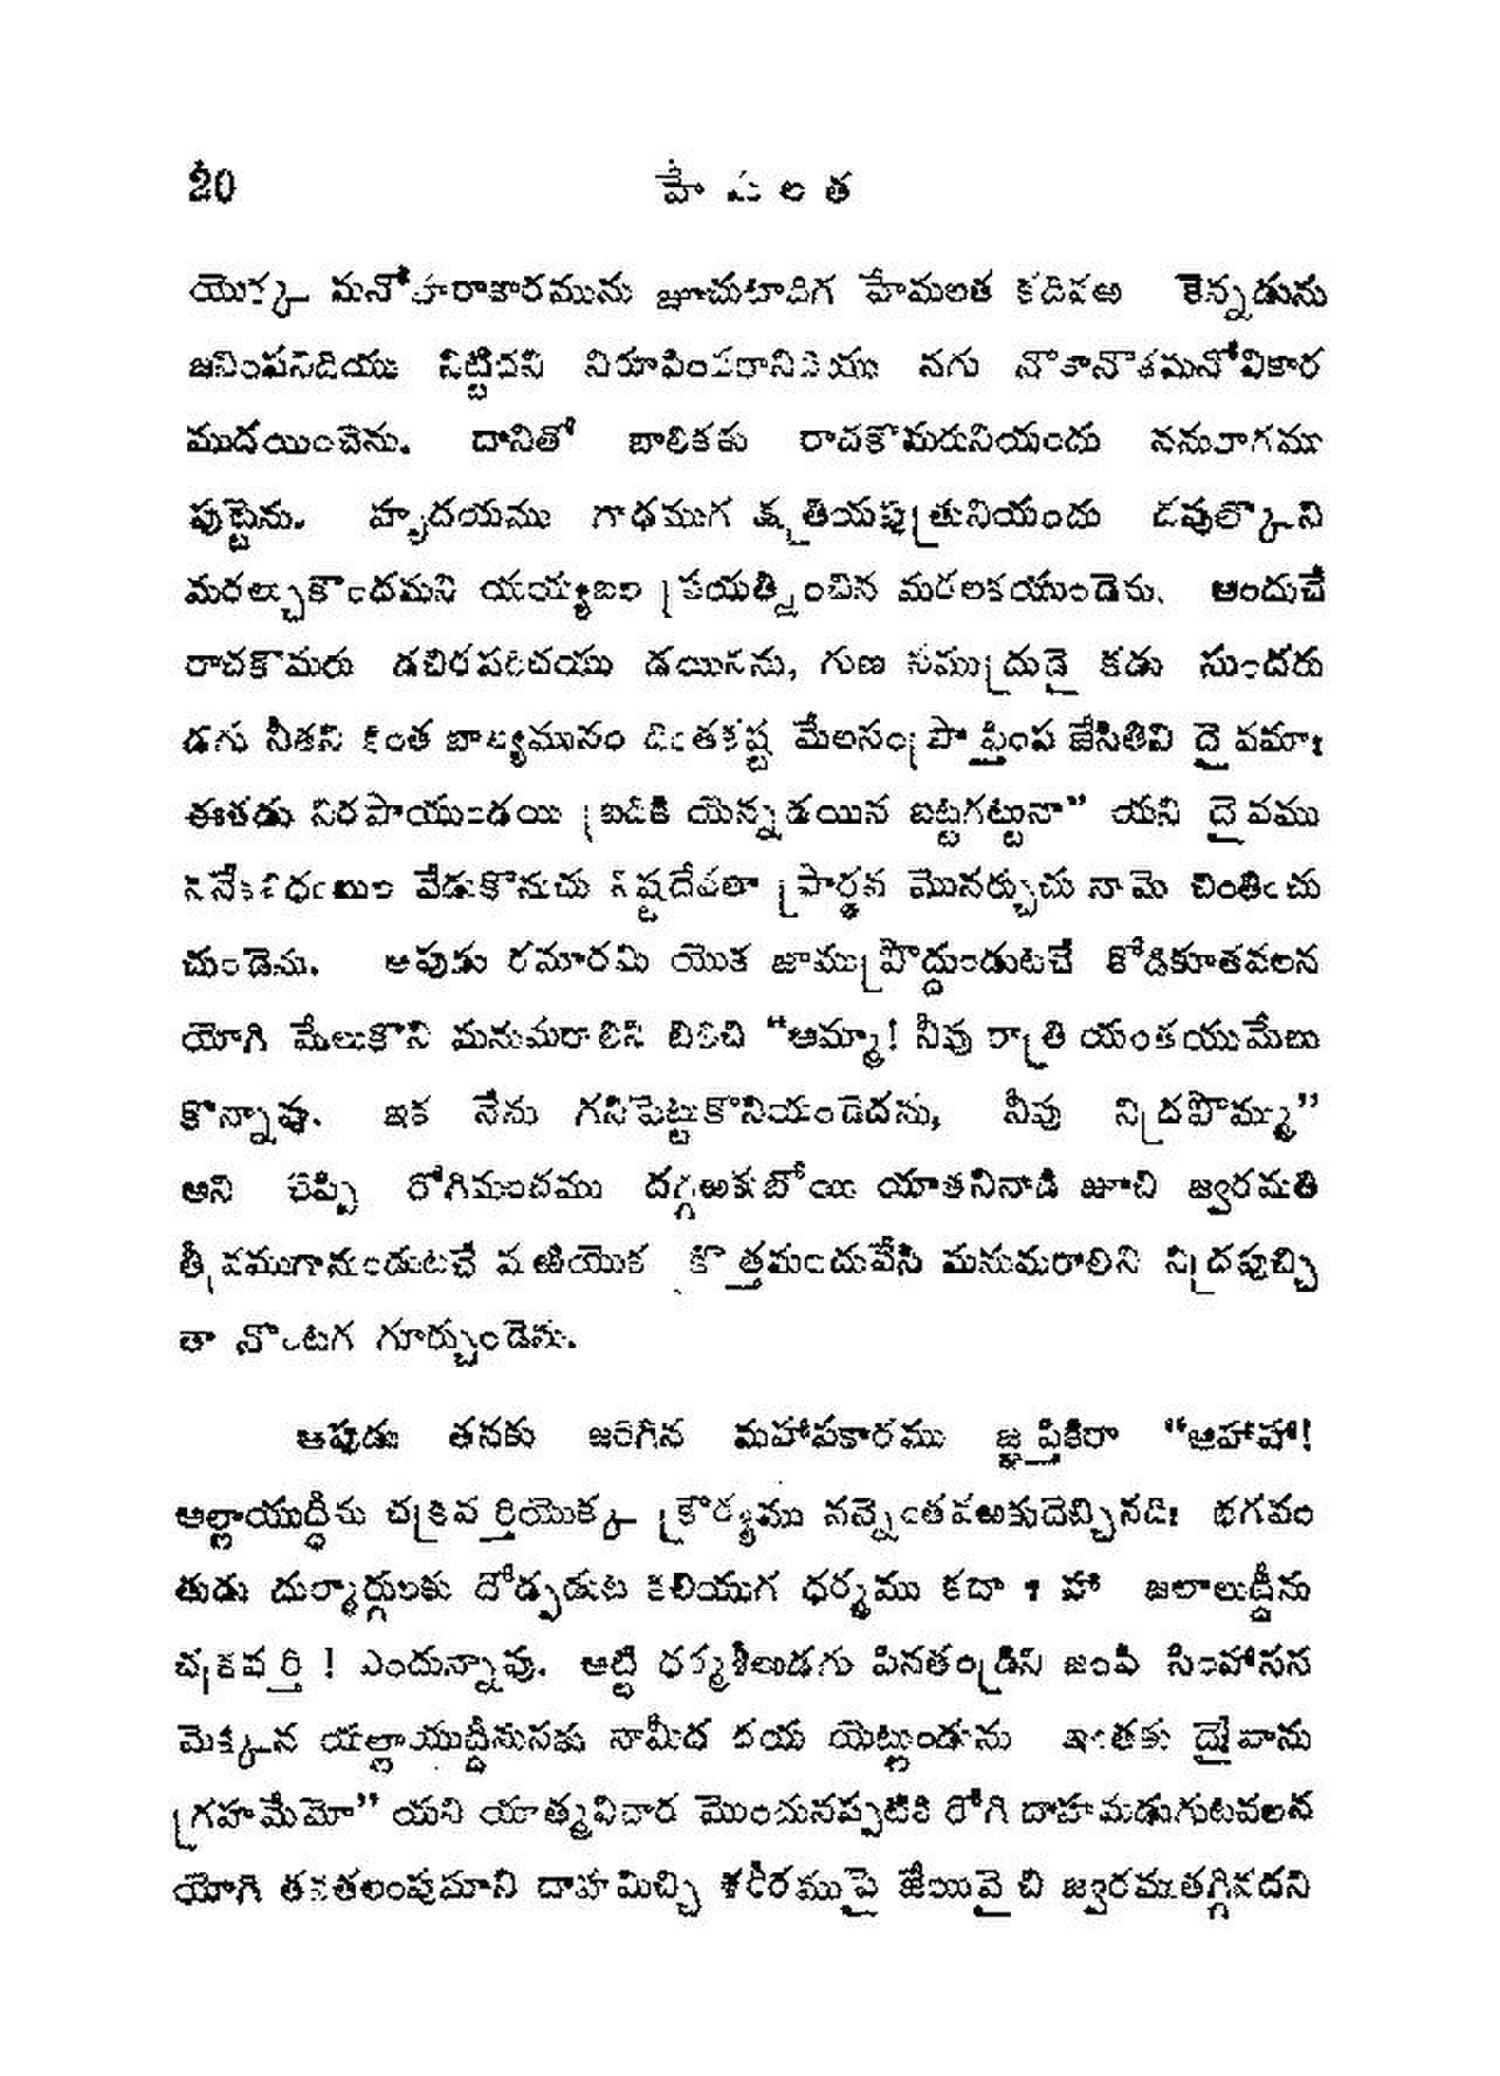యొక్క మనోహరాకారమును జూచుటాదిగ హేమలత కదివఱ కెన్నడును జనింపనిదియు నిట్టిదని నిరూపింపరానిదియు నగు నొకానొకమనోవికార ముదయించెను. దానితో బాలికకు రాచకొమరునియందు ననురాగము పుట్టెను. హృదయము గాఢముగ క్షత్రియపుత్రునియందు దవుల్కొని మరల్చుకొందమని యయ్యబల ప్రయత్నించిన మరలకయుండెను. అందుచే రాచకొమరు డచిరపరిచయు డయినను, గుణ సముద్రుడై కడు సుందరుడగు నీతని కింత బాల్యమునం దింతకష్ట మేలసంప్రాప్తింప జేసితివి దైవమా! ఈతడు నిరపాయుండయి బ్రదికి యెన్నడయిన బట్టగట్టునా” యని దైవము ననేక విధంబుల వేడుకొనుచు నిష్టదేవతా ప్రార్థన మొనర్చుచు నామె చింతించు చుండెను. అపుడు రమారమి యొక జాము ప్రొద్దుండుటచే కోడికూతవలన యోగి మేలుకొని మనుమరాలిని బిలిచి “అమ్మా! నీవు రాత్రి యంతయుమేలు కొన్నావు, ఇక నేను గని పెట్టు కొనియండెదను, నీవు నిద్రపొమ్ము” అని చెప్పి రోగిమంచము దగ్గఱకు బోయి యాతనినాడి జూచి జ్వరమతి తీవ్రముగానుండుటచే మఱియొక కొత్తమందువేసి మనుమరాలిని నిద్రపుచ్చి తా నొంటగ గూర్చుండెను.

అపుడు తనకు జరిగిన మహాపకారము జ్ఞప్తికిరా “ఆహాహా! అల్లాయుద్దీను చక్రవర్తి యొక్క క్రౌర్యము నన్నెంతవఱకుదెచ్చినది? భగవంతుడు దుర్మార్గులకు దోడ్పడుట కలియుగ ధర్మము కదా? హా జలాలుద్దీను చక్రవర్తి! ఎందున్నావు. అట్టి ధర్మశీలుడగు పినతండ్రిని జంపి సింహాసన మెక్కిన యల్లాయుద్దీనునకు నామీద దయ యెట్లుండును? ఇంతకు దైవానుగ్రహమేమో” యని యాత్మవిచార మొందునప్పటికి రోగి దాహ మడుగుటవలన యోగి తనతలంపుమాని దాహమిచ్చి శరీరముపై జేయివైచి జ్వరము తగ్గినదని